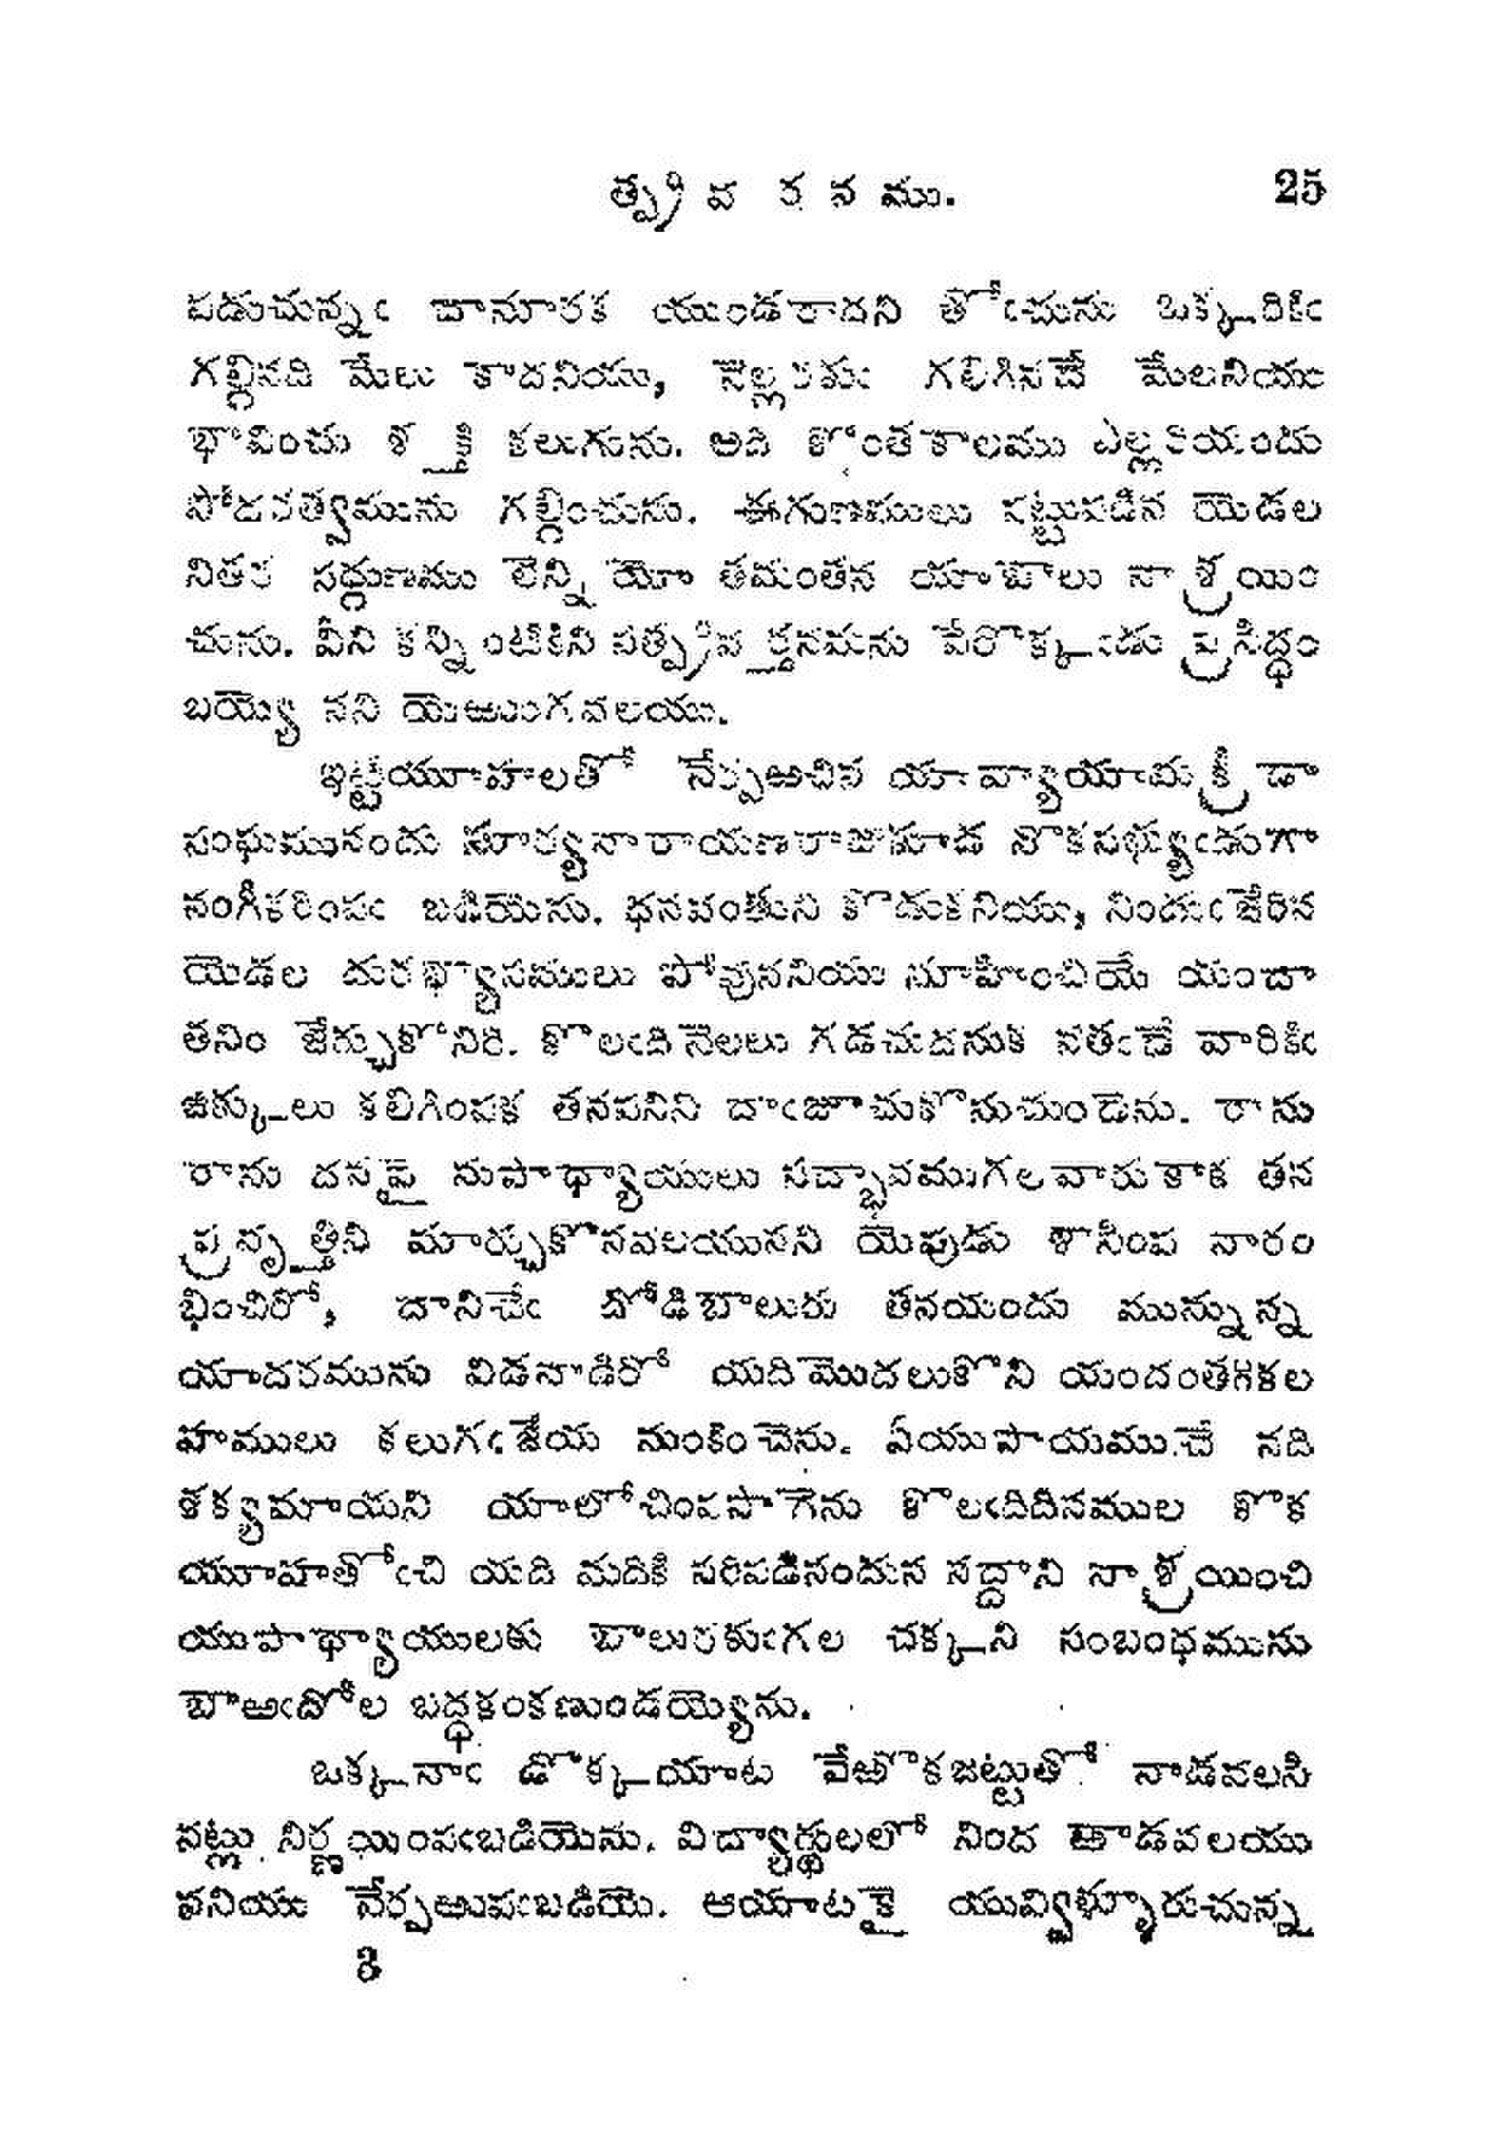పడుచున్న చానూరక యుండరాదని తోచును. ఒక్కరికి గల్గినది 'మేలు కాదనియు, పిల్లలకు గలగినదే 'మేలనియం భావించు శక్తి కలుగును. అది కొంత కాలము ఎల్లరియందు సోదరత్వమును గల్గించును. ఈ గుణములు కట్టుబటిన యెడల నితర సద్గుణము లేన్నియో తమంతన యూవాలు నాశ్రయించును. వీని కన్నీటీకిని సత్ప్రవర్తనమును "పేరొక్కఁడు ప్రసిద్ధంబయ్యెనని యెరులుగవలయు.
\

ఇట్టియూహలతో నేఱపటుచీన యావ్యాయామ క్రీడా సంఘమునందు సూర్య నారాయణరాజు కూడ నొక సభ్యుండుగా నంగీకరింప బడియెను, ధనవంతుని కొడుకనియు, నందుఁ జేరినయెడల దురభ్యాసములు పోవుననియు నూహించియే యందాతనిం జేర్చుకొనిరి. కొలదినెలలు గడచుదనుక నతండే వారికిఁ జిక్కులు కలిగించక తనపనిని దాఁజూచుకొనుచుండెను. రాను రాను దన పైనుపాధ్యాయులు సచ్చావముగల వారు కాక తన వస్పత్తిని మార్చుకొనవలయునని యెపుడు శాసింప నారం భించిరో, దానిచే తోడి బాలురు తనయందు మున్నున్న యాదరమును విడనాడిరో యది మొదలుకొని యందంతగికలహములు కలుగఁ జేయ నుంకించెను. ఏయుపొయముచే నది శక్యమాయని యాలోచించ సాగెను కొలఁది దినముల కొక యూహతోచి యది మదికి సరిపడినందున నద్దాని నాశ్రయించి యుపొధ్యాయులకు బాలురకుగల చక్కని సంబంధమును బాఱదోల బద్దకంకణుండయ్యెను. 

ఒక్క నాఁడోక్క యాట 'వేఱొకజట్టుతో నాడవలసి నట్లు నిర్ణయింపఁబడియెను. విద్యార్థులలో నిందఱాడవలయు సనియు "నేర్పఱుపబడియే. ఆయాటకై యువ్విళ్ళూరుచున్న